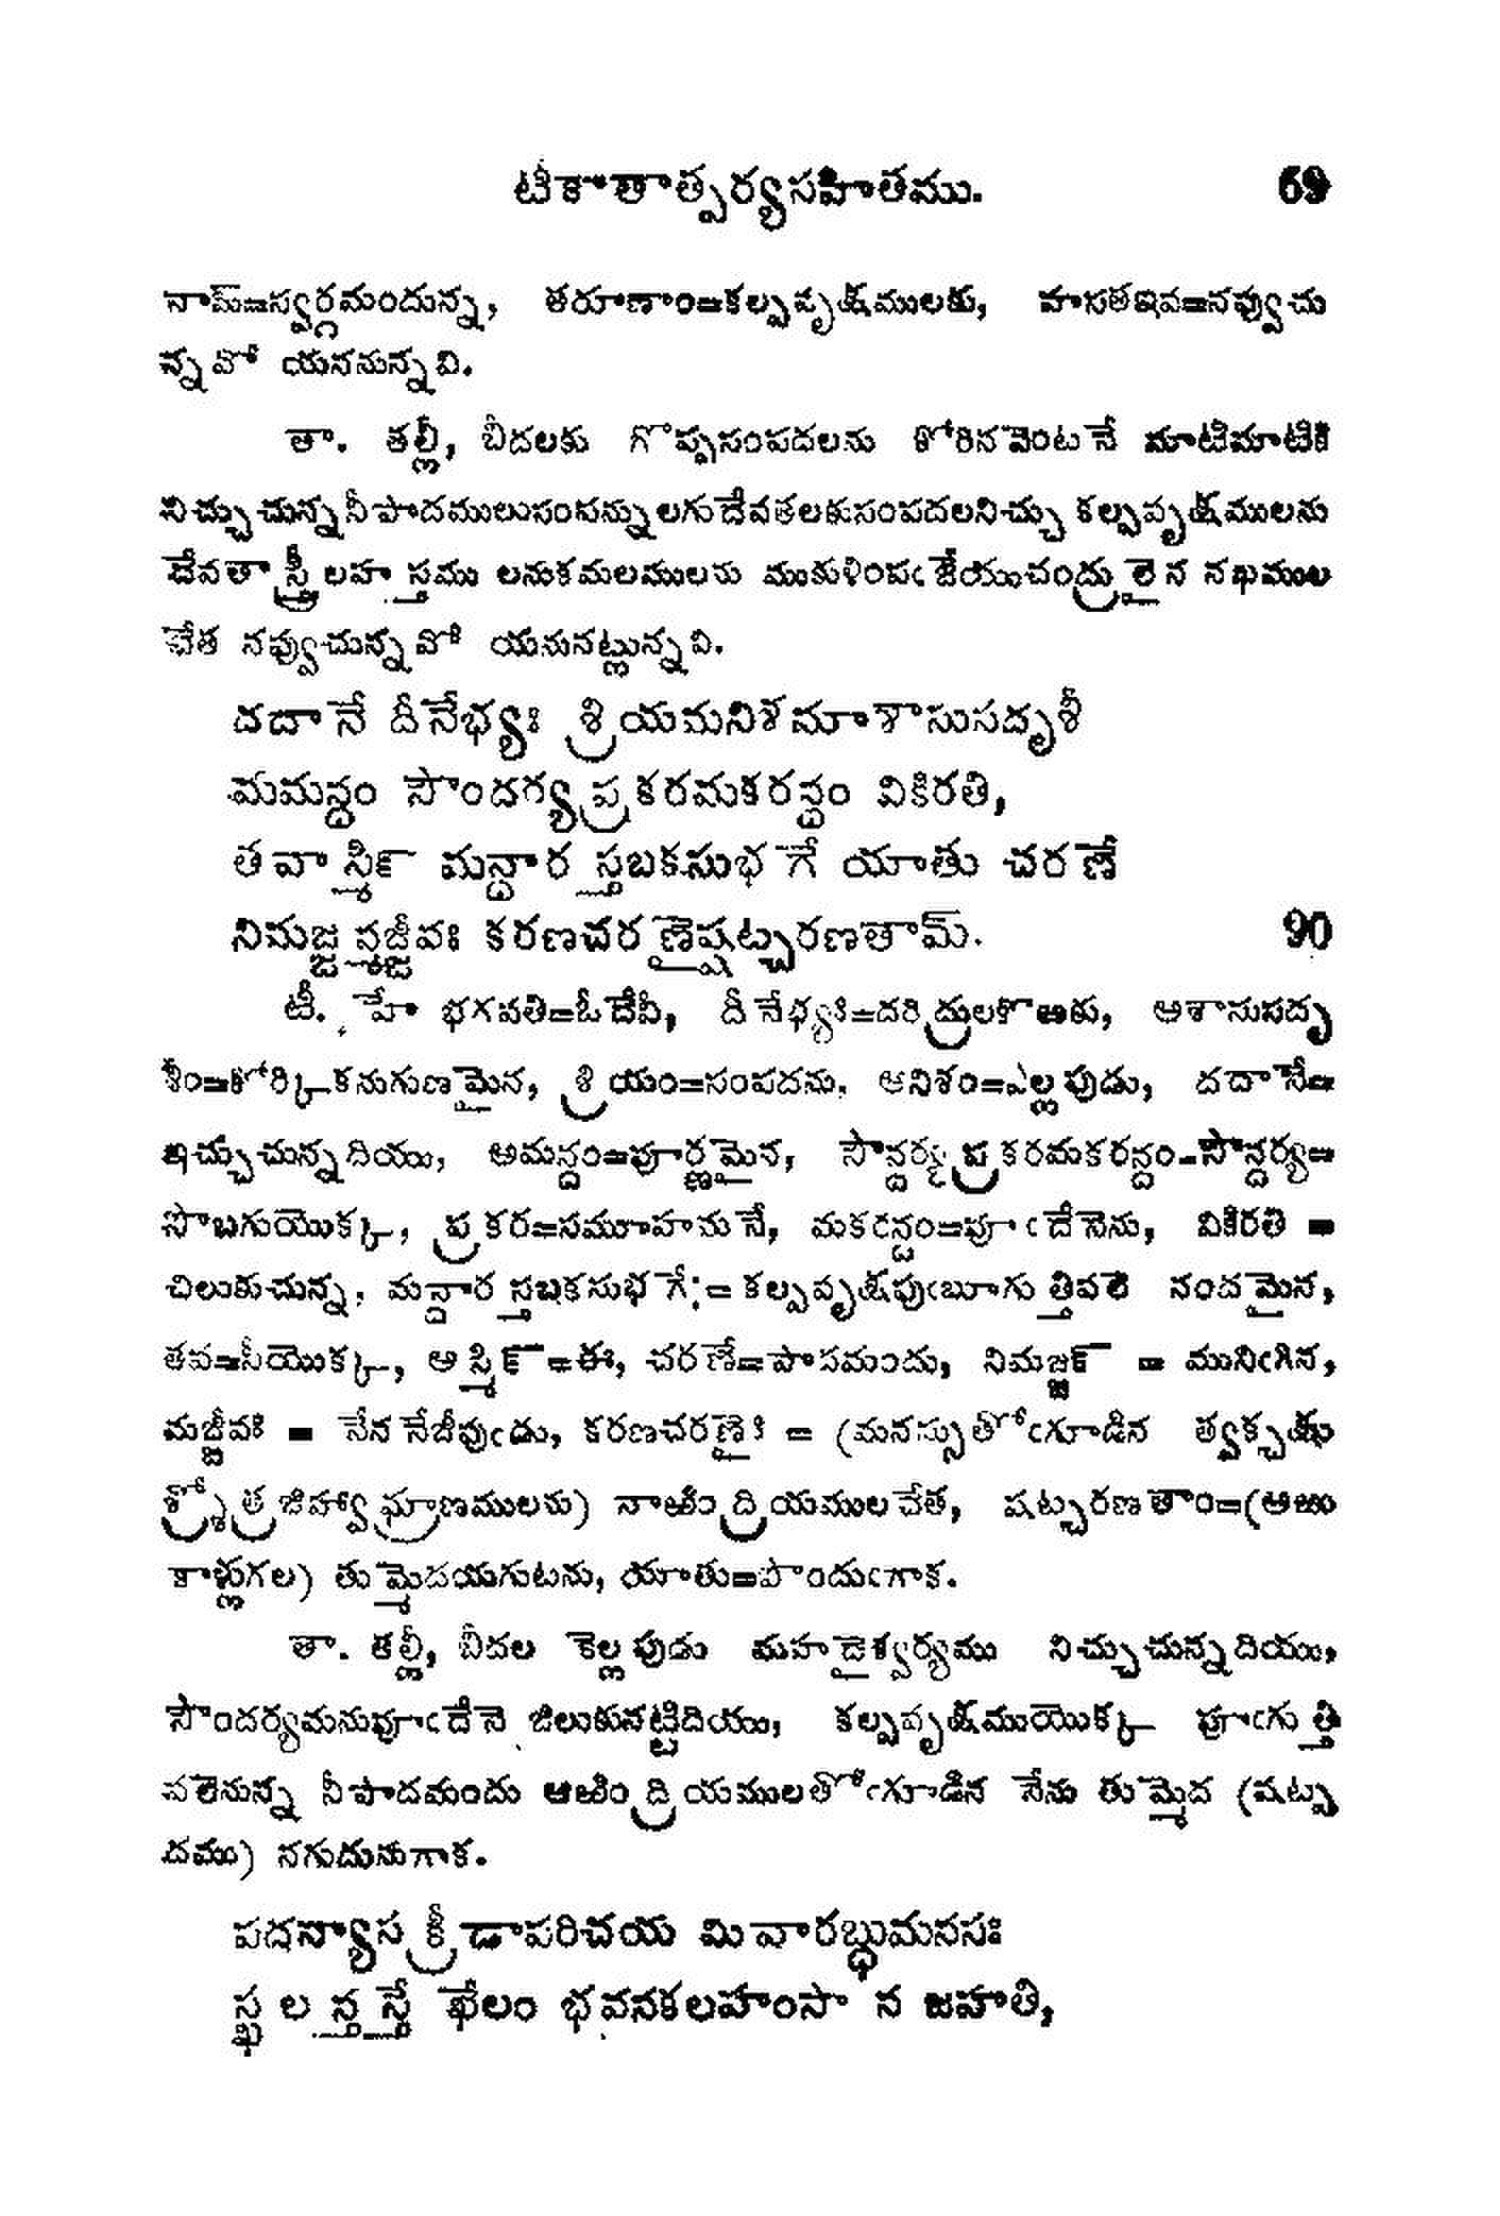నామ్ = స్వర్గమందున్న, తరూణాం = కల్పవృక్షములకు, హసతఇవ = నవ్వుచున్నవో యననున్నవి.

తా. తల్లీ, బీదలకు గొప్పసంపదలను కోరినవెంటనే మాటిమాటికి నిచ్చుచున్న నీ పాదములు సంపన్నులగుదేవతలకు సంపదనిచ్చు కల్పవృక్షములను దేవతాస్త్రీలహస్తములను కమలములను ముకుళింపఁజేయుచంద్రులైన నఖములచేత నవ్వుచున్నవో యనునట్లున్నవి.

దదానే దీనేభ్యః శ్రియమనిశమాశాసుసదృశీ
మమన్దం సౌందర్యప్రకరమకరన్దం వికిరతి,
తవాస్మిన్ మన్దార స్తబకసుభగే యాతు చరణే
నిమజ్జన్మజ్జీవః కరణచరణైష్షట్చరణతామ్. 90
టీ. హే భగవతి = ఓదేవీ, దీనేభ్యః = దరిద్రులకొఱకు, అశాసుసదృశీం = కోర్కికనుగుణమైన, శ్రియం = సంపదను, అనిశం = ఎల్లపుడు, దదానే = ఇచ్చుచున్నదియు, అమన్దం = పూర్ణమైన, సౌన్దర్యప్రకరమకరన్దం-సౌన్దర్య = సొబగుయొక్క, ప్రకర = సమూహమనే, మకరన్దం = పూఁదేనెను, వికిరతి = చిలుకుచున్న, మన్దారస్తబకసుభగేః = కల్పవృక్షపుఁబూగుత్తివలె నందమైన, తవ = నీయొక్క, అస్మిన్ = ఈ, చరణే = పాదమందు, నిమజ్జన్ మునిఁగిన, మజ్జీవః - నేననేజీవుఁడు, కరణచరణైః = (మనస్సుతోఁగూడిన త్వక్చక్షుశ్శ్రోత్రజిహ్వాఘ్రాణములను) నాఱింద్రియములచేత, షట్చారణతాం = (ఆఱుకాళ్లుగల) తుమ్మెదయగుటను, యాతు = పొందుఁగాక.

తా. తల్లీ, బీదల కెల్లపుడు మహదైశ్వర్యము నిచ్చుచున్నదియు, సౌందర్యమనుపూఁదేనె జిలుకునట్టిదియు, కల్పవృక్షముయొక్క పూఁగుత్తివలెనున్న నీపాదమందు ఆఱింద్రియములతోఁగూడిన నేను తుమ్మెద (షట్పదము) నగుదునుగాక.

పదన్యాసక్రీడాపరిచయ మివారబ్ధుమనసః
స్ఖలన్తస్తే ఖేలం భవనకలహంసా న జహతి,